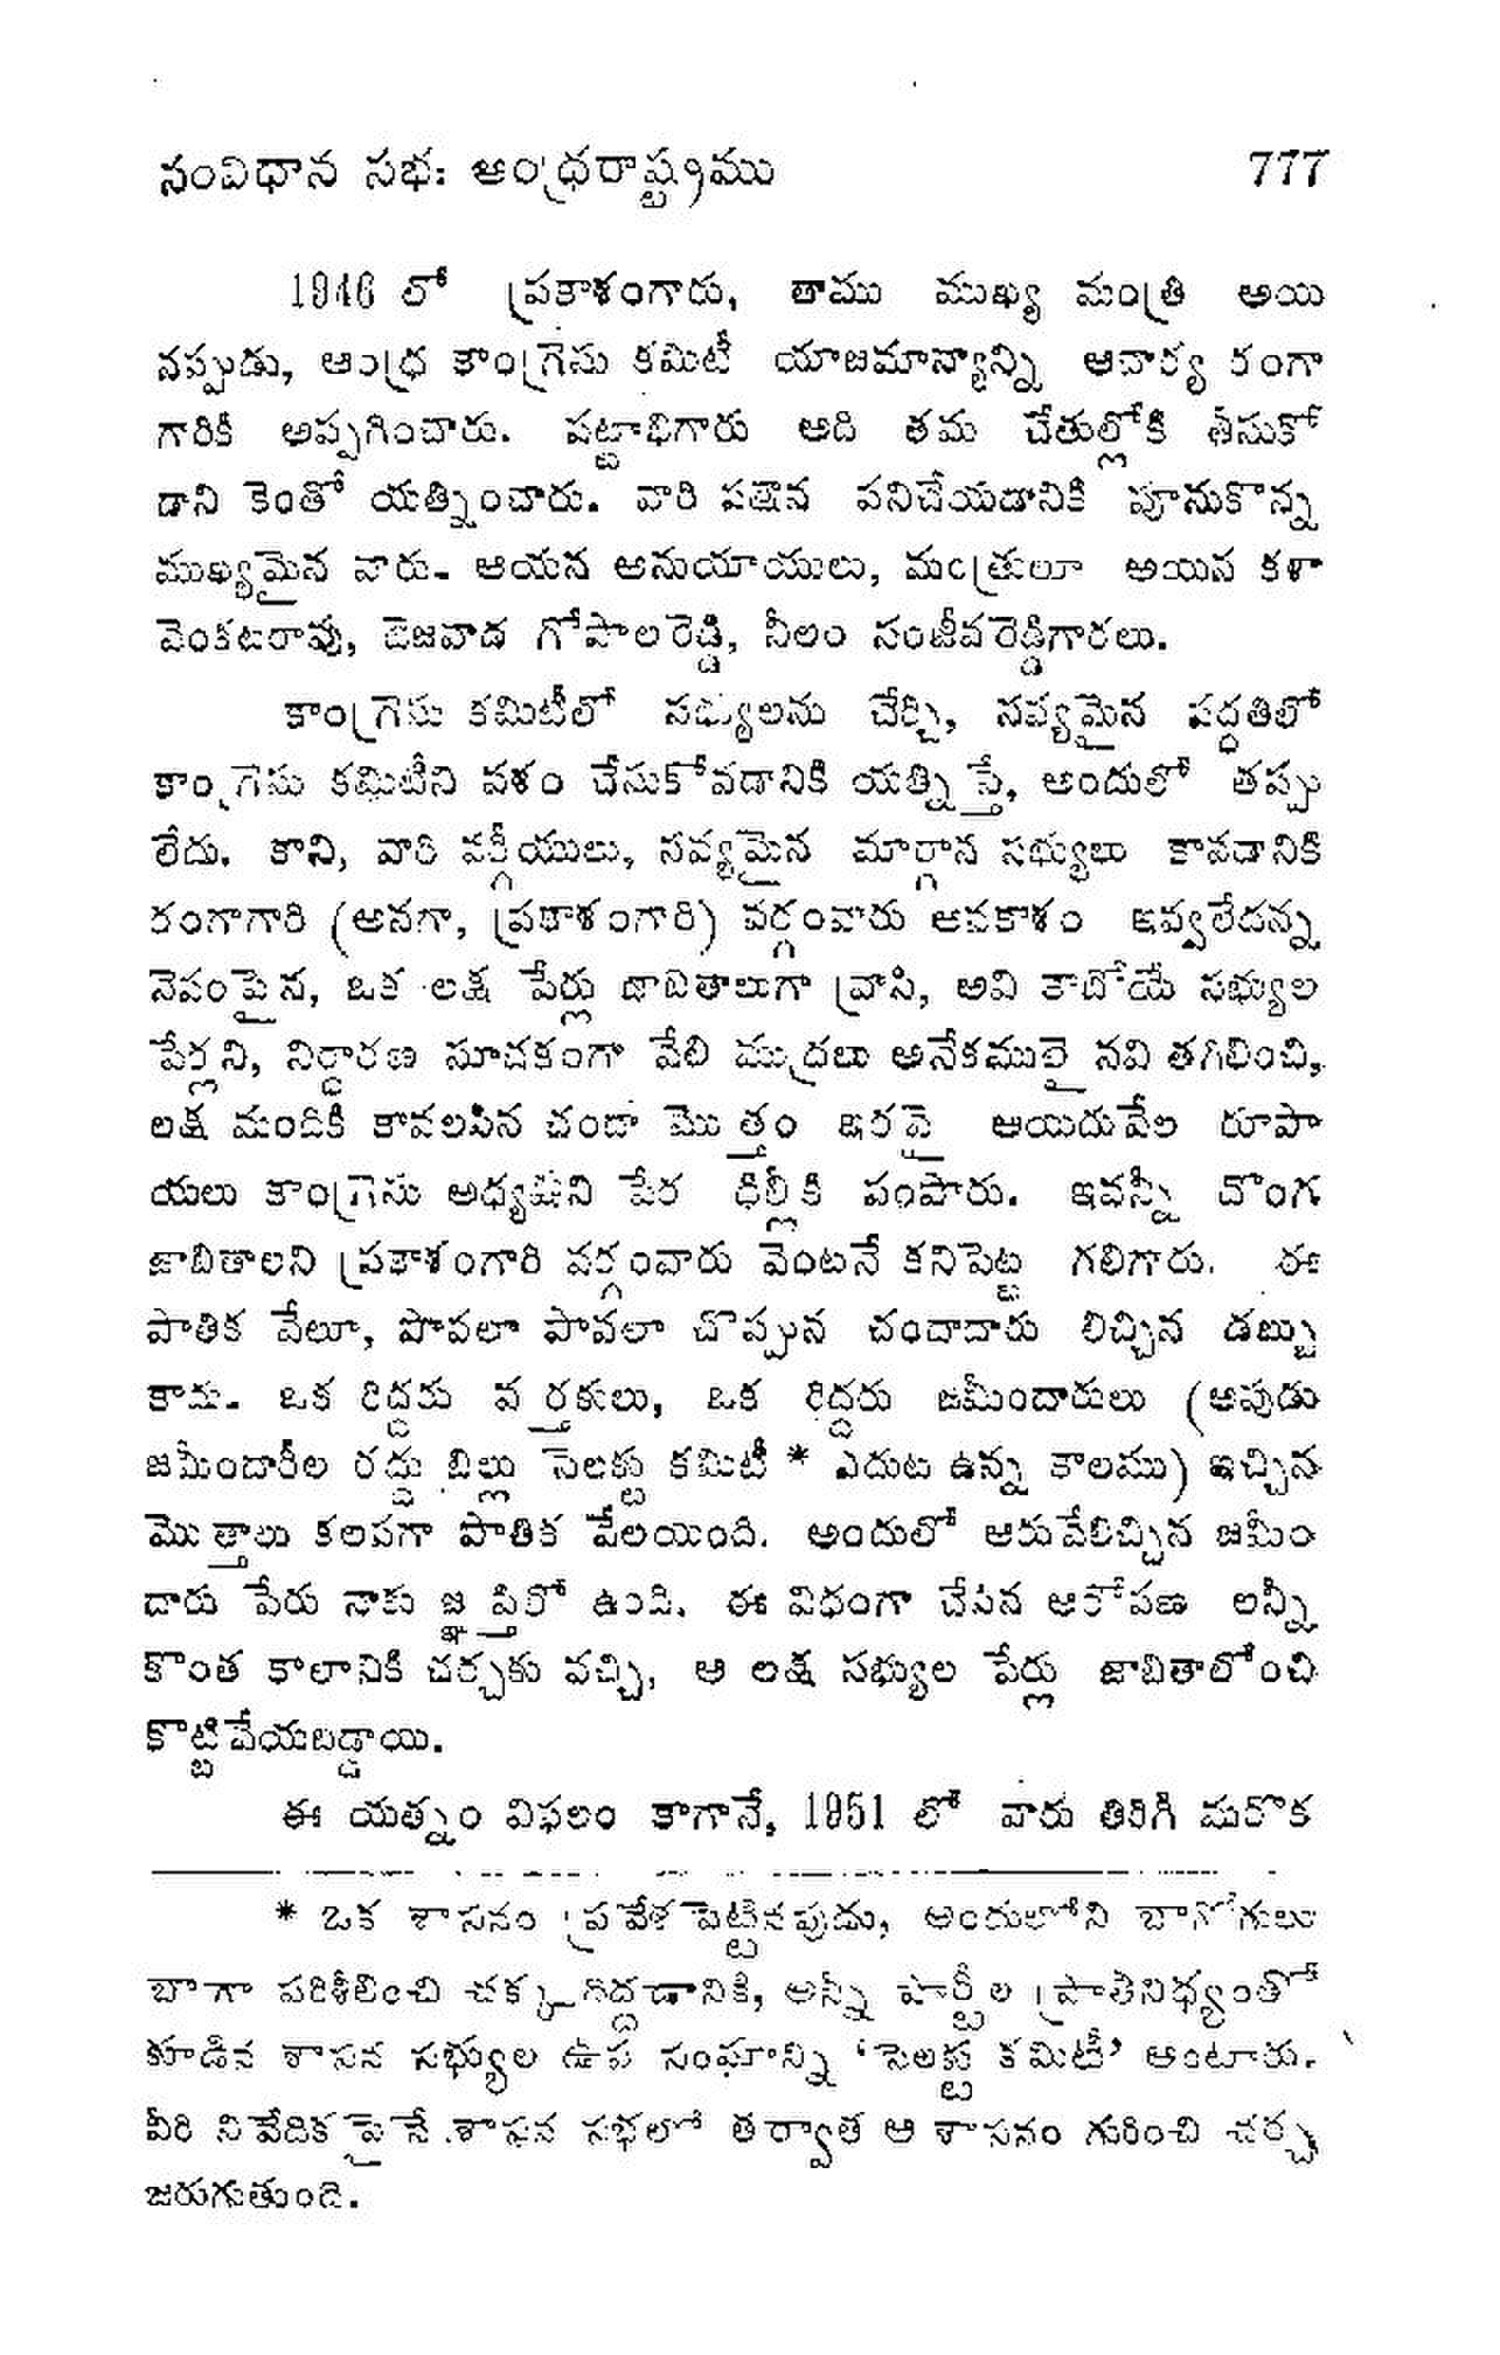1946 లో ప్రకాశంగారు, తాము ముఖ్య మంత్రి అయినప్పుడు, ఆంధ్ర కాంగ్రెసు కమిటీ యాజమాన్యాన్ని ఆచార్య రంగా గారికి అప్పగించారు. పట్టాభిగారు అది తమ చేతుల్లోకి తీసుకోడాని కెంతో యత్నించారు. వారి పక్షాన పనిచేయడానికి పూనుకొన్న ముఖ్యమైన వారు - ఆయన అనుయాయులు, మంత్రులూ అయిన కళా వెంకటరావు, బెజవాడ గోపాలరెడ్డి, నీలం సంజీవరెడ్డిగారలు.

కాంగ్రెసు కమిటీలో సభ్యులను చేర్చి, సవ్యమైన పద్ధతిలో కాంగ్రెసు కమిటీని వశం చేసుకోవడానికి యత్నిస్తే, అందులో తప్పు లేదు. కాని, వారి వర్గీయులు, సవ్యమైన మార్గాన సభ్యులు కావడానికి రంగాగారి (అనగా, ప్రకాశంగారి) వర్గంవారు అవకాశం ఇవ్వలేదన్న నెపంపైన, ఒక లక్ష పేర్లు జాబితాలుగా వ్రాసి, అవి కాబోయే సభ్యుల పేర్లని, నిర్దారణ సూచకంగా వేలి ముద్రలు అనేకములైనవి తగిలించి, లక్ష మందికి కావలసిన చందా మొత్తం ఇరవై అయిదువేల రూపాయలు కాగ్రెసు అధ్యక్షుని పేర డిల్లీకి పంపారు. ఇవన్నీ దొంగ జాబితాలని ప్రకాశంగారి వర్గంవారు వేంటనే కనిపెట్ట గలిగారు. ఈ పాతిక వేలూ, పావలా పావలా చొప్పున చందాదారు లిచ్చిన డబ్బు కాదు. ఒక రిద్దరు వర్తకులు, ఒక రిద్దరు జమీందారులు (అపుడు జమీందారీల రద్దు బిల్లు సెలక్టు కమిటీ ఎదుట ఉన్న కాలము) ఇచ్చిన మొత్తాలు కలపగా పాతిక వేలయింది. అందులో ఆరువేలిచ్చిన జమీందారు పేరు నాకు జ్ఞప్తిలో ఉంది. ఈ విధంగా చేసిన ఆరోపణ లన్నీ కొంతకాలానికి చర్చకు వచ్చి, ఆ లక్ష సభ్యుల పేర్లు జాబితాలోంచి కొట్టివేయబడ్డాయి.

ఈ యత్నం విఫలం కాగానే, 1951 లో వారు తిరిగి మరొక